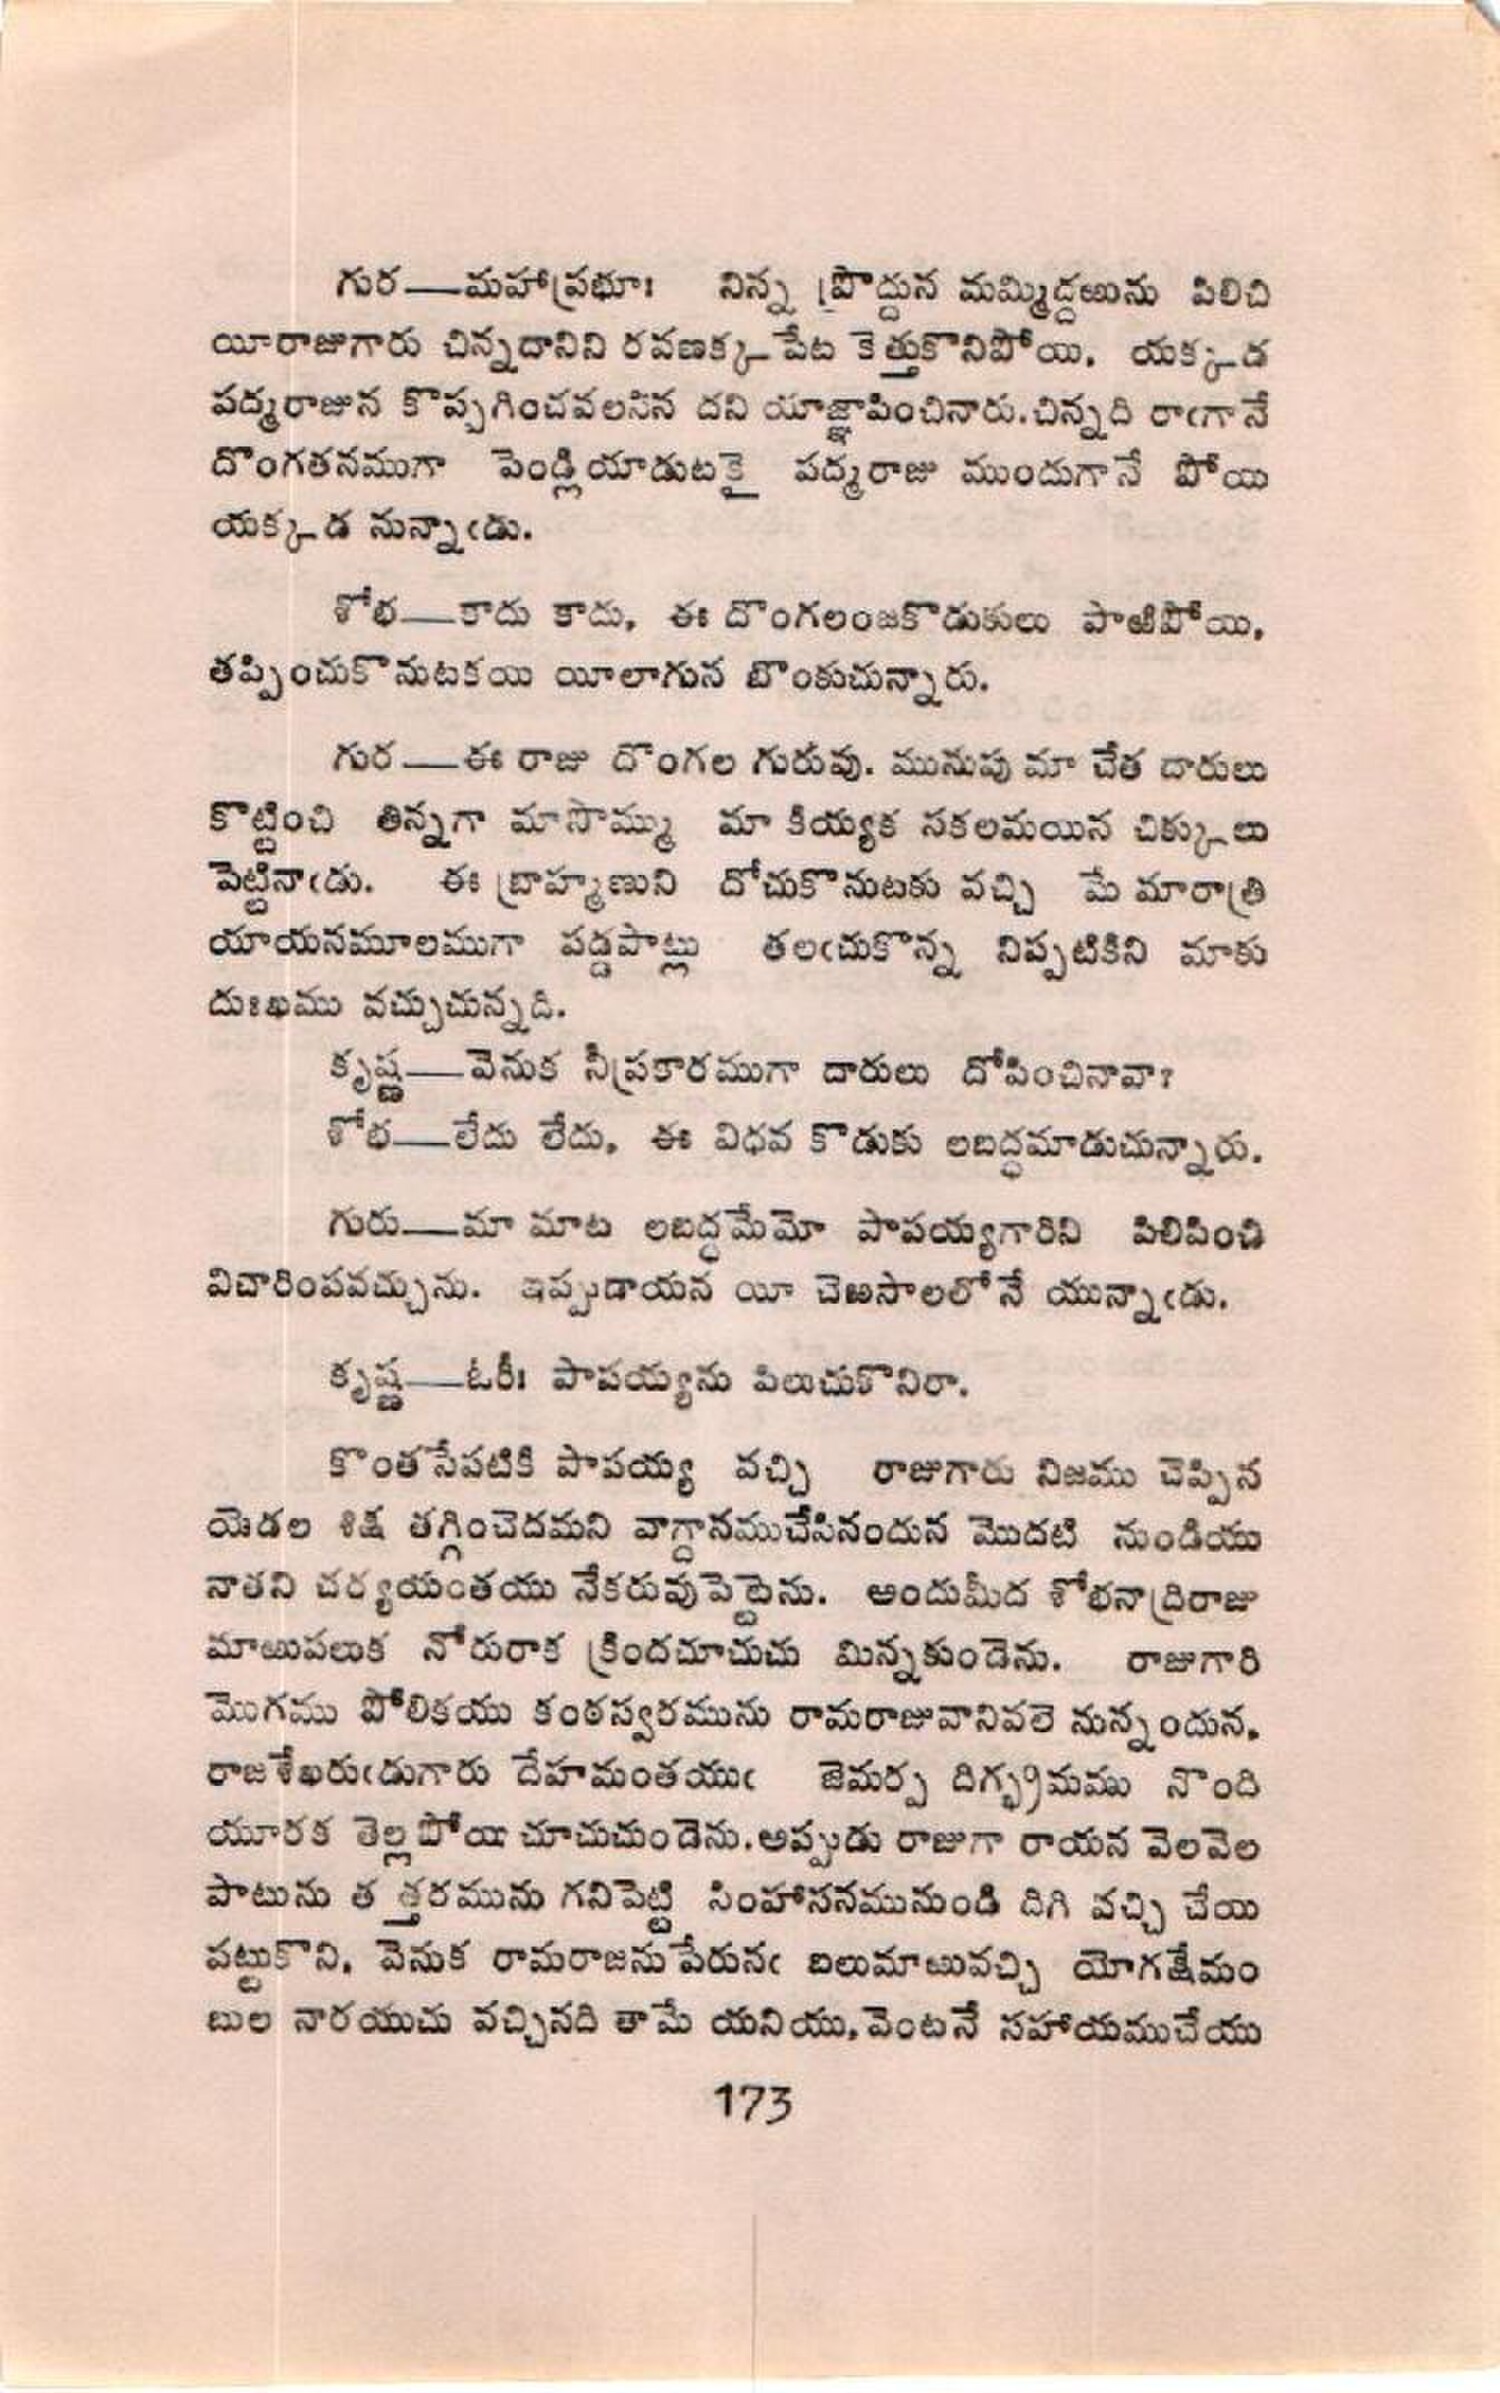గుర__మహాప్రభూ! నిన్న ప్రొద్దున మమ్మిద్దఱును పిలిచి యీరాజుగారు చిన్నదానిని రవణక్కపేట కెత్తుకొనిపోయి, యక్కడ పద్మరాజున కొప్పగించవలసిన దని యాజ్ఞాపించినారు.చిన్నది రాగానే దొంగతనముగా పెండ్లియాడుటకై పద్మరాజు ముందుగానే పోయి యక్కడ నున్నాఁడు.

శోభ__కాదు కాదు, ఈ దొంగలంజకొడుకులు పాఱిపోయి, తప్పించుకొనుటకయి యీలాగున బొంకుచున్నారు.

గుర__ఈ రాజు దొంగల గురువు. మునుపు మా చేత దారులు కొట్టించి తిన్నగా మాసొమ్ము మా కియ్యక సకలమయిన చిక్కులు పెట్టినాఁడు. ఈ బ్రాహ్మణుని దోచుకొనుటకు వచ్చి మే మారాత్రి యాయనమూలముగా పడ్డపాట్లు తలఁచుకొన్న నిప్పటికిని మాకు దుఃఖము వచ్చుచున్నది.

కృష్ణ__వెనుక నీప్రకారముగా దారులు దోపించినావా?

శోభ__లేదు లేదు, ఈ విధవ కొడుకు లబద్దమాడుచున్నారు.

గురు__మా మాట లబద్దమేమో పాపయ్యగారిని పిలిపించి విచారింపవచ్చును. ఇప్పడాయన యీ చెఱసాలలోనే యున్నాడు.

కృష్ణ__ఓరీ పాపయ్యను పిలుచుకొనిరా.

కొంతసేపటికి పాపయ్య వచ్చి రాజుగారు నిజము చెప్పిన యెడల శిక్ష తగ్గించెదమని వాగ్దానముచేసినందున మొదటి నుండియు నాతని చర్యయంతయు నేకరువుపెట్టెను. అందుమీద శోభనాద్రిరాజు మాఱు పలుక నోరురాక క్రింద చూచుచు మిన్నకుండెను. రాజుగారి మొగము పోలికయు కంఠస్వరమును రామరాజువానివలె నున్నందున, రాజశేఖరుఁడుగారు దేహమంతయుఁ జెమర్ప దిగ్భ్రమము నొంది యూరక తెల్లబోయి చూచుచుండెను. అప్పుడు రాజుగా రాయన వెలవెల పాటును తత్తరమును గనిపెట్టి సింహాసనమునుండి దిగి వచ్చి చేయి పట్టుకొని, వెనుక రామరాజను పేరునఁ బలుమాఱువచ్చి యోగక్షేమం బుల నారయుచు వచ్చినది తామే యనియు, వెంటనే సహాయముచేయు